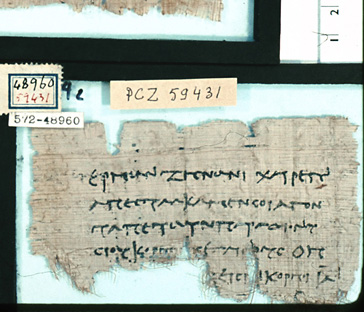ερμων ζηνωνι χαιρειν
απεϲταλκαμενϲοιαγον
ταπετωυνπαραδιονυ
ϲιουκορμ ϲελα ουϲ οη
ειϲινκορμοι ι̅α